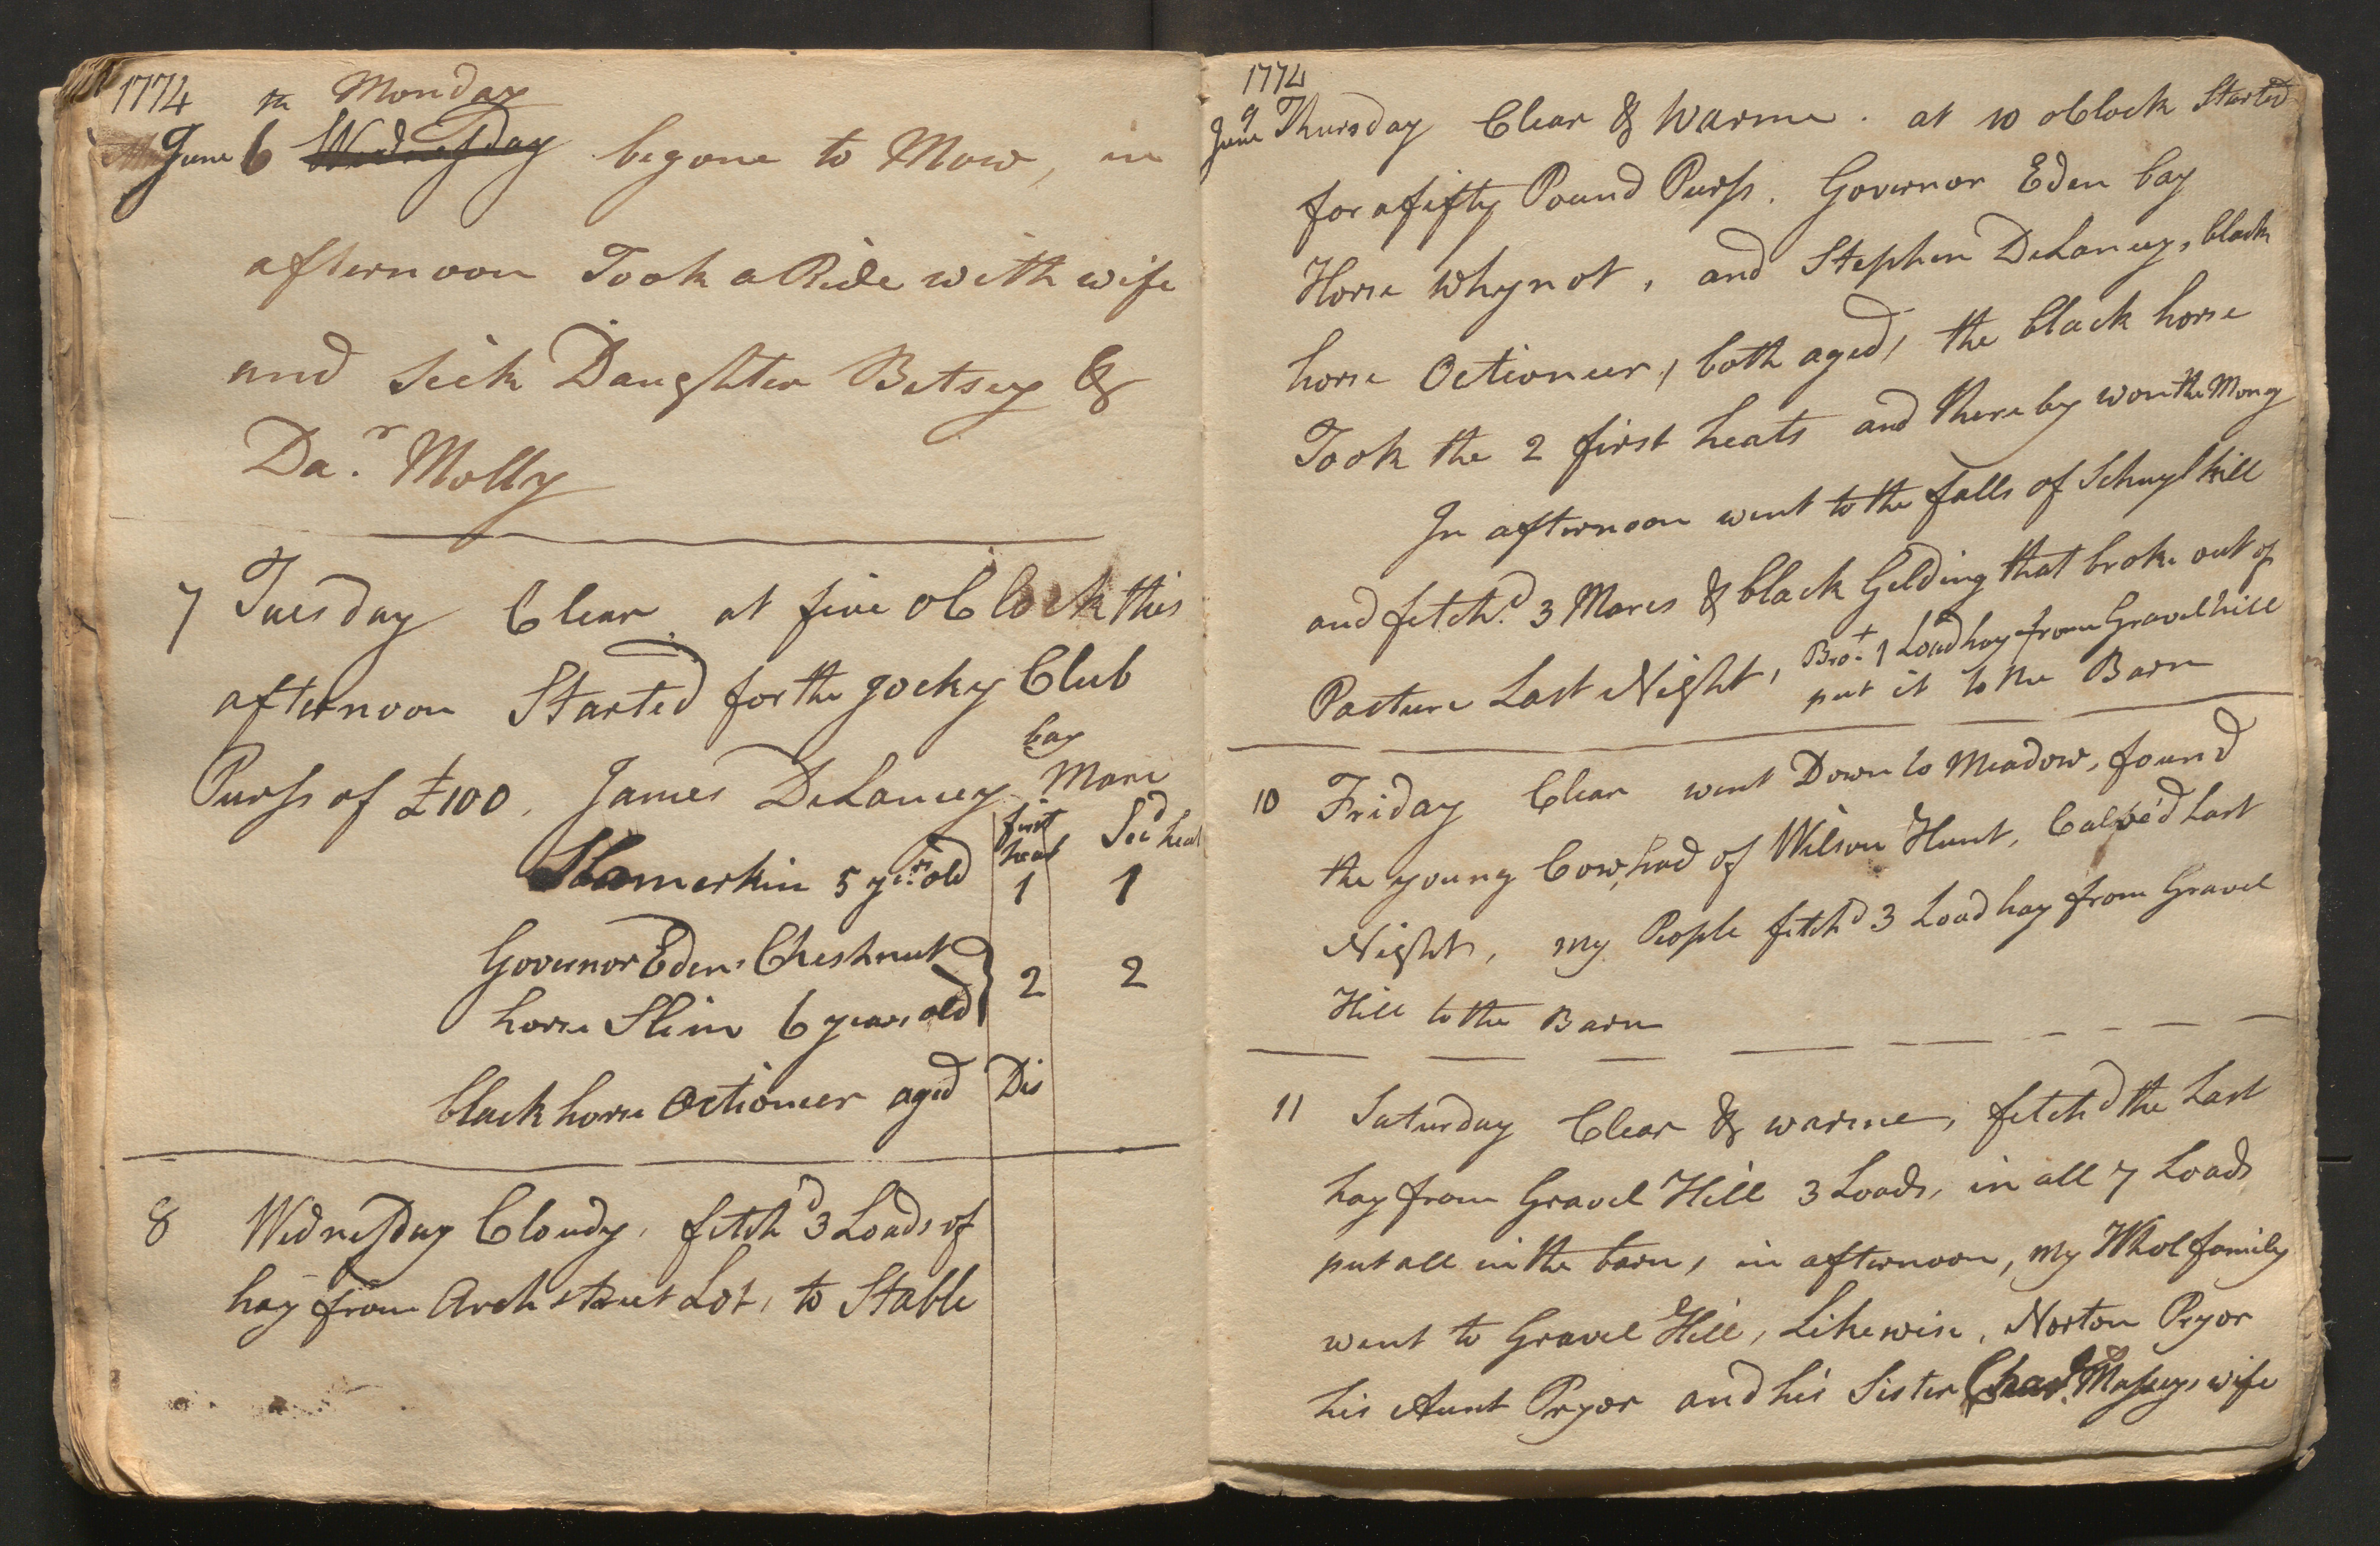1774
Monday
June 6^th [Wednesday] begone to Mow, in
afternoon Took a Ride with wife
and Sick Daughter Betsey &
Da^r. Molly
7 Tuesday Clear at five oClock this
afternoon Started for the jocky Club
bay
Purss of £100. James DeLancey
Mare
first
heat
Sec^d heat
Slamerkin 5 ye^rs. old
1
1
Governor Edens Chestnut
2
2
horse Slein, 6 years old
black horse Octioneer aged
8 Wednesday Cloudy, fetch^d 3 Loads of
hay from Arch street Lot, to Stable
1774
June ^9 Thursday Clear & Warme. at 10 oClock Started
for a fifty Pound Purss. Governor Eden bay
Horse why not, and Stephen DeLancey, black
horse Octioneer, both aged, the black horse
Took the 2 first heats and thereby won the Money
In afternoon went to the falls of Schuylkill
and fetch^d. 3 Mares & black Gelding that broke out of
Bro^t. 1 Load hay from Gravelhill
Pasture Last Night put it to the Barn
10 Friday Clear went Down to Meadow, found
the young Cow had of Wilson Hunt, Calve'd Last
Night, my People fetch^d 3 Load hay from Gravel
Hill to the Barn
11 Saturday Clear & warme, fetch'd the Last
hay from Gravel Hill 3 Loads, in all 7 Loads
put all in the barn, in afternoon, my Whol family
went to Gravel Hill, Likewise, Norton Pryor
his Aunt Pryor and his Sister Charl^s. Masseys wife
Dis